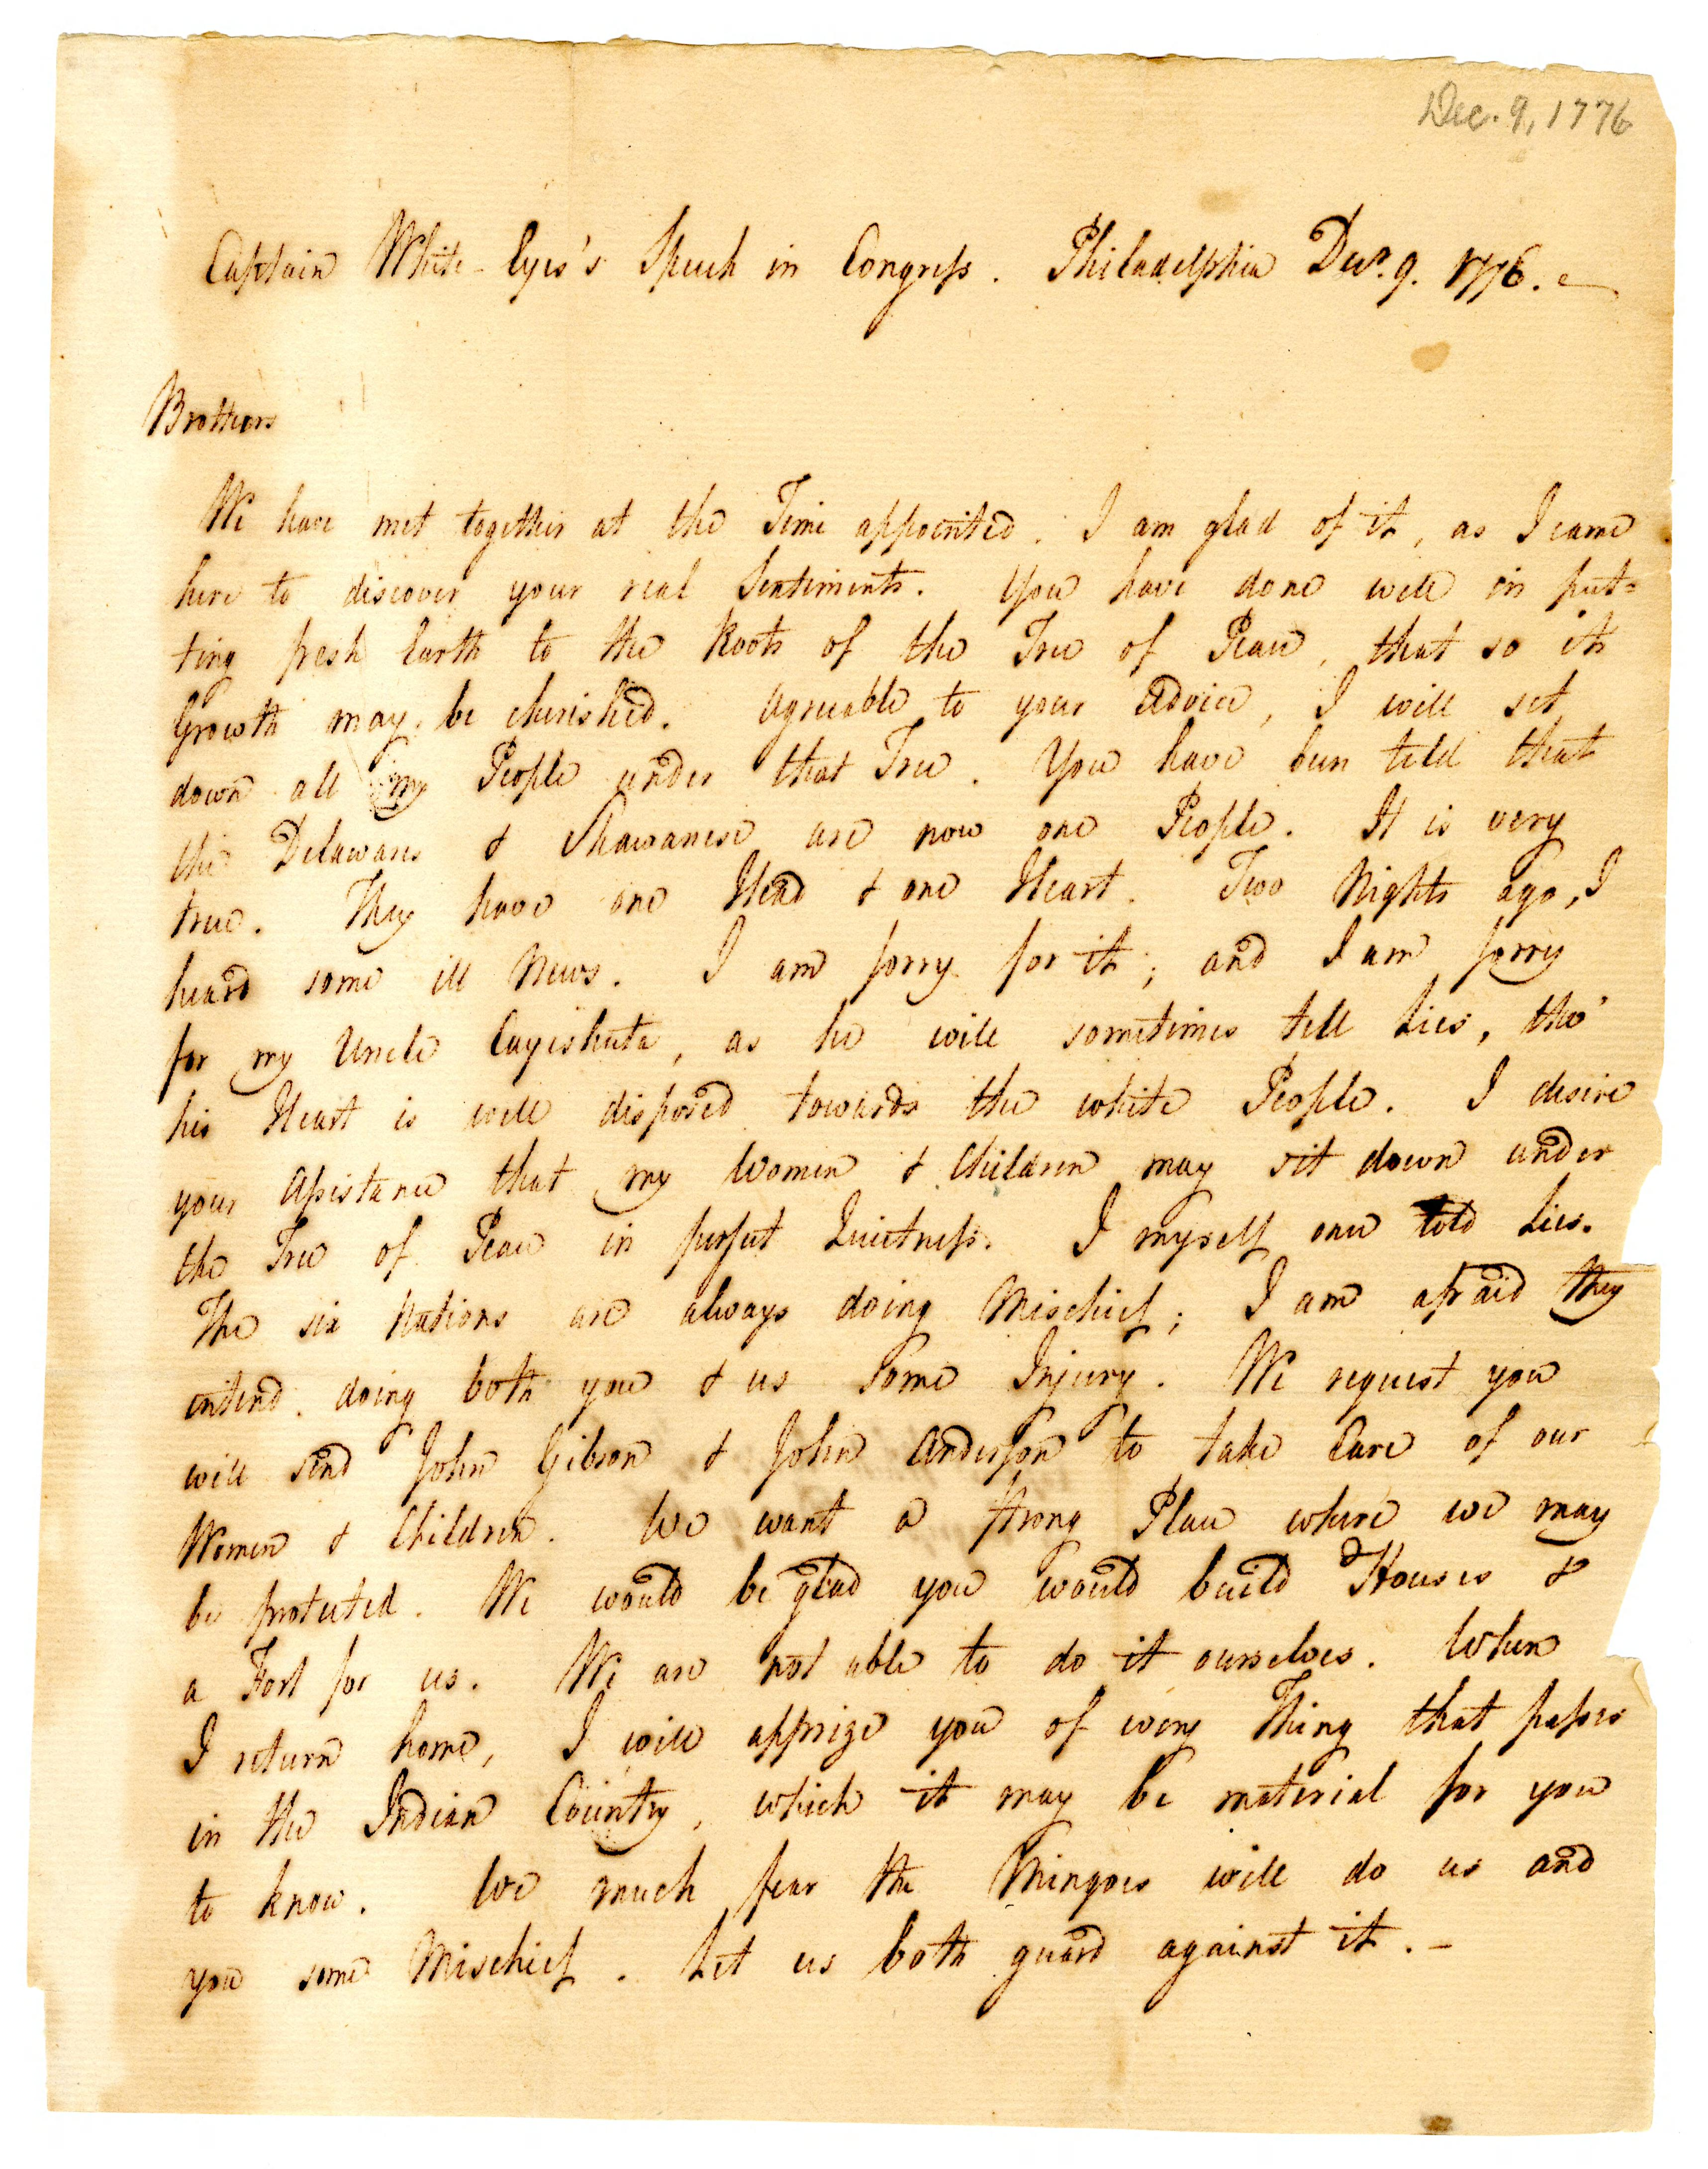Captain White Eyes's Speech in Congress. Philadelphia Dec^r. 9. 1776.-
Brothers
We have met together at the Time appointed. I am glad of it, as I came
here to discover your real Sentiments. You have done well in put-
ting fresh Earth to the Roots of the Tree of Peace, that so its
Growth may be cherished. Agreeable to your advice, I will set
down all my People under that Tree. You have been told that
the Delawares & Shawanese are now one People. It is very
true. They have one Head & one Heart. Two Nights ago, I
heard some ill News. I am sorry for it; and I am sorry
for my Uncle Cuyishuta, as he will sometimes tell Lies, tho'
his Heart is well disposed towards the white People. I desire
your Assistance that my women & Children may sit down under
the Tree of Peace in perfect Quietness. I myself once told Lies.
The six Nations are always doing Mischief; I am afraid they
intend, doing both you & us some Injury. We request you
will send John Gibson & John Anderson to take Care of our
Women & Children. We want a strong Place where we may
be protected. We would be glad you would build Houses &
a Fort for us. We are not able to do it ourselves. When
I return home, I will apprize you of every Thing that passes
in the Indian Country, which it may be material for you
to know. We much fear the Mingoes will do us and
you some Mischief. Let us both guard against it.-